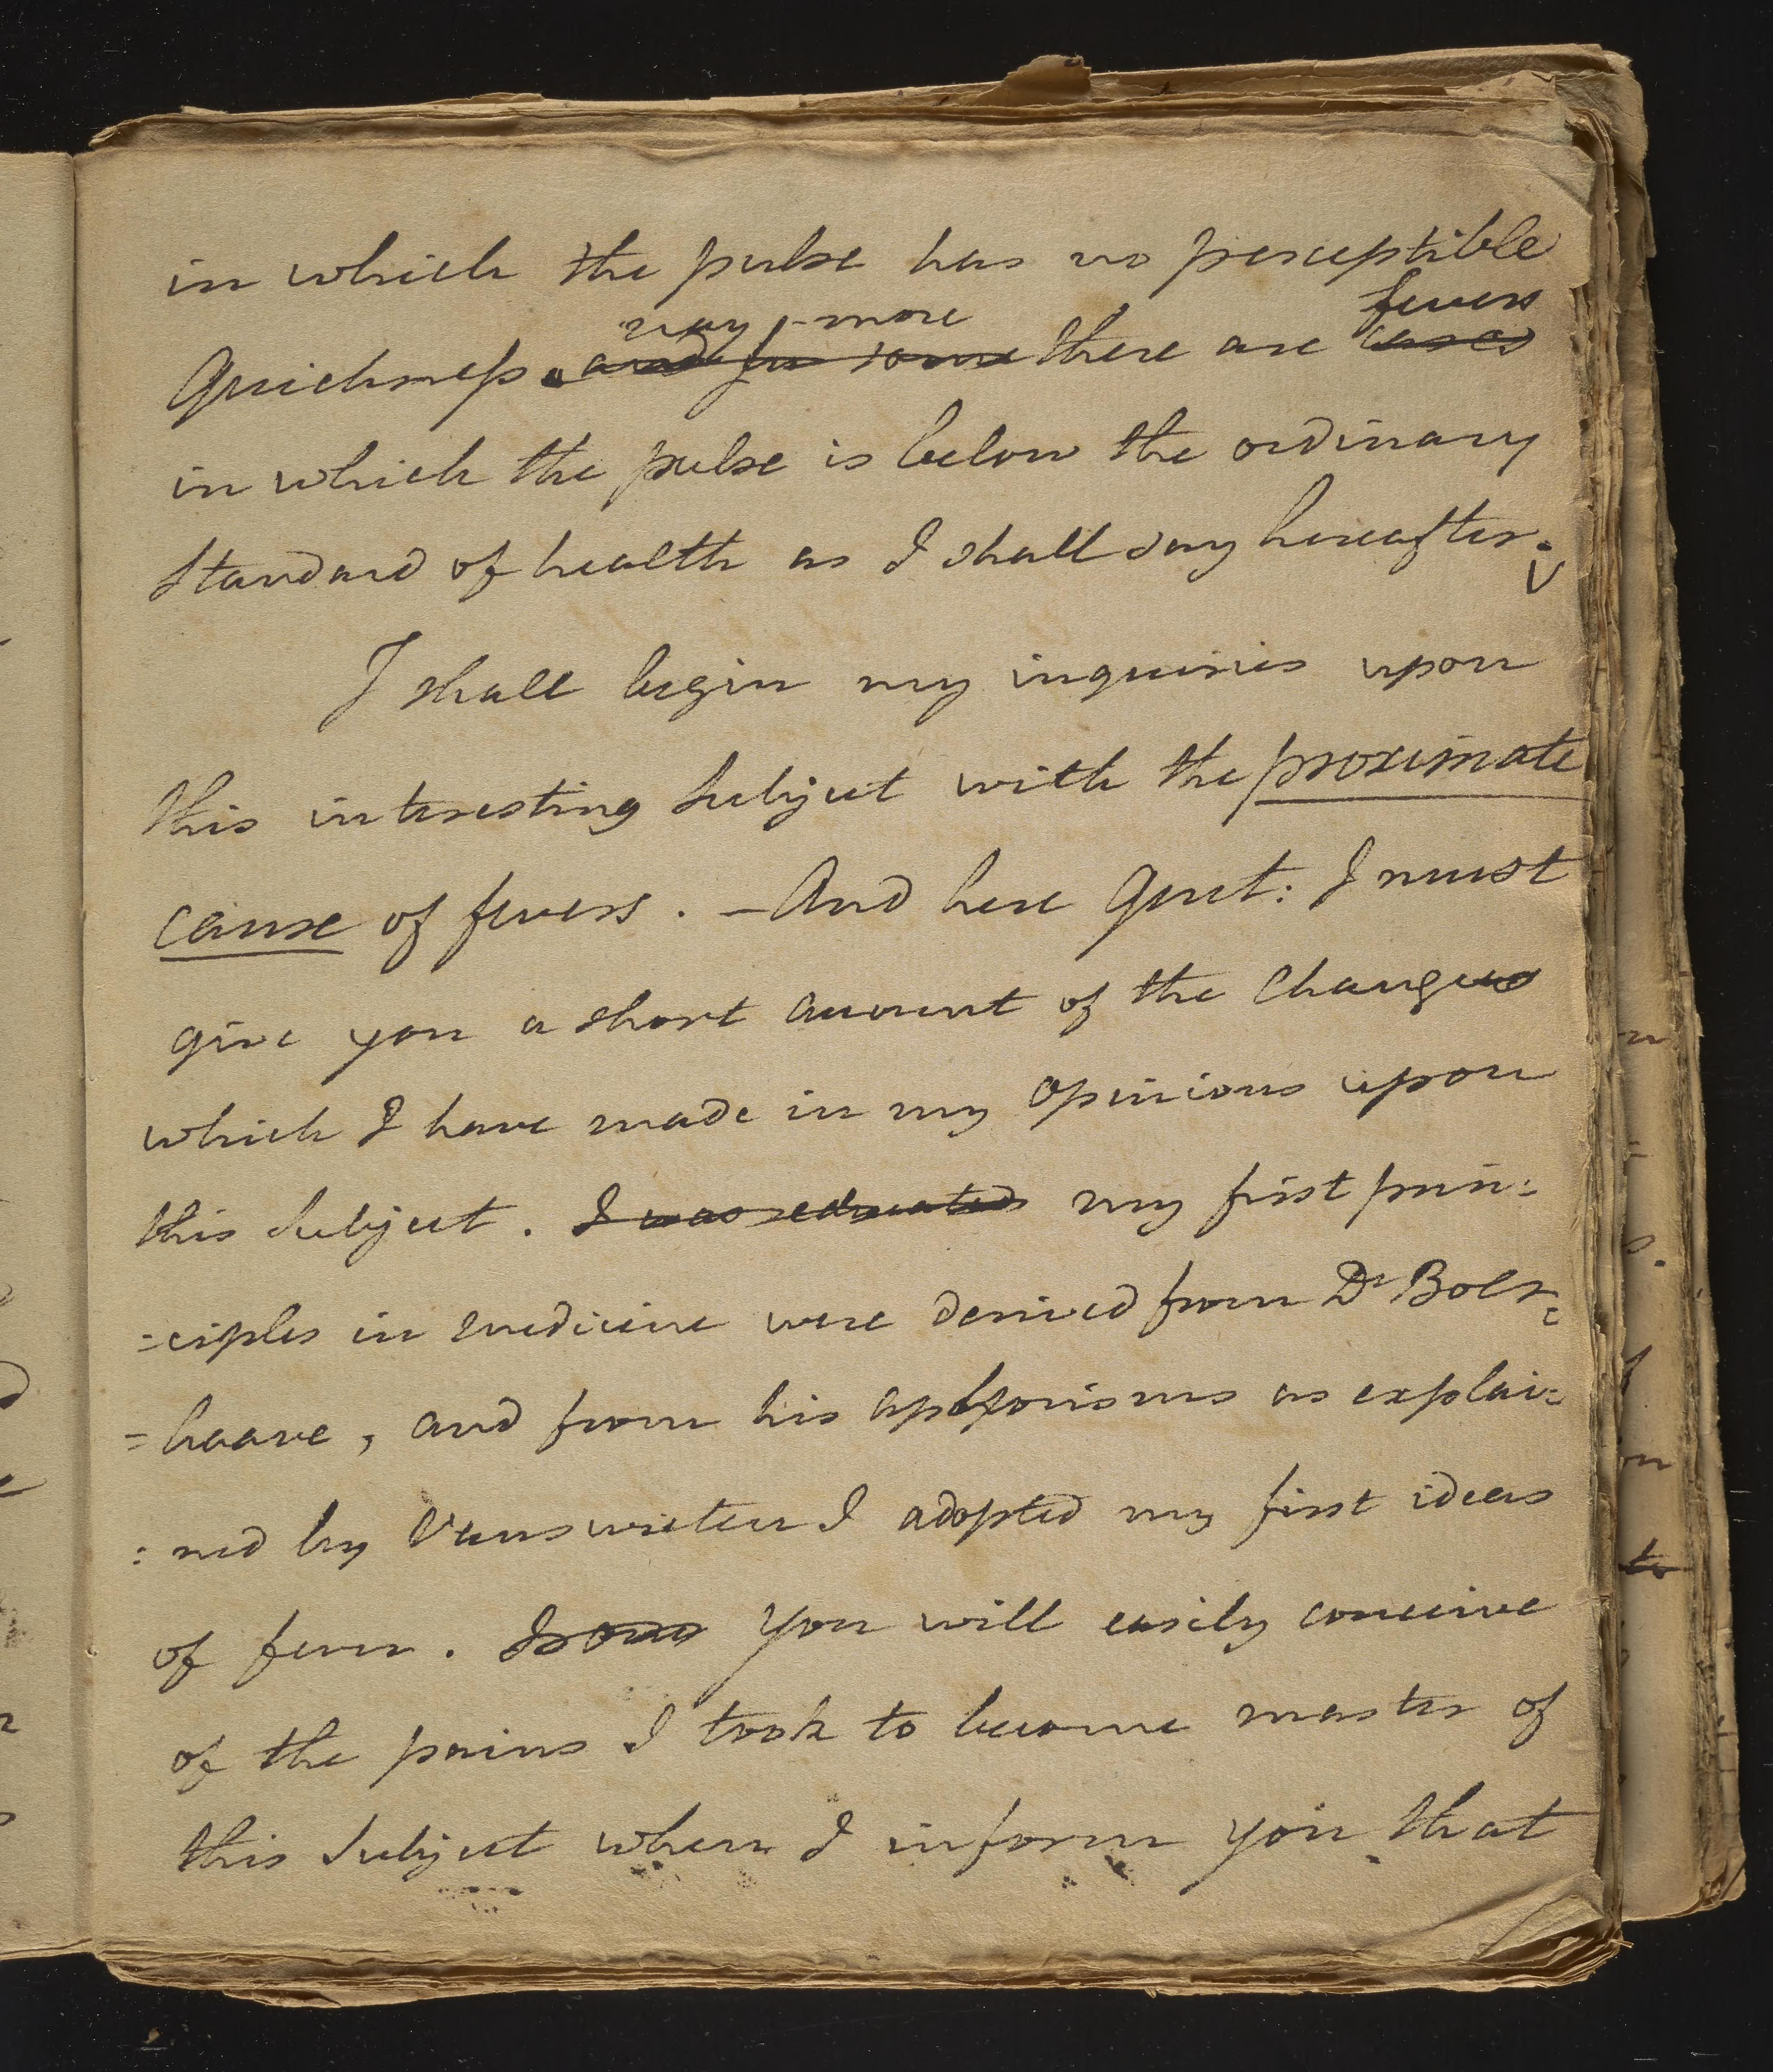in which the pulse has no perceptible
way more
fevers
quickness, [and for some] there are [cases]
in which the pulse is below the ordinary
standard of health as I shall say hereafter.
I shall begin my inquiries upon
this interesting subject with the proximate
cause of fevers.- And here gent: I must
give you a short account of the changes
which I have made in my opinions upon
this subject. [I was educated] my first prin-
-ciples in evidence were derived from D^r Boer-
-haave, and from his aphorisms as explai-
-ned by this writer I adopted my first ideas
of fever. [I am] You will easily conceive
of the pains I took to become master of
this subject when I inform you that